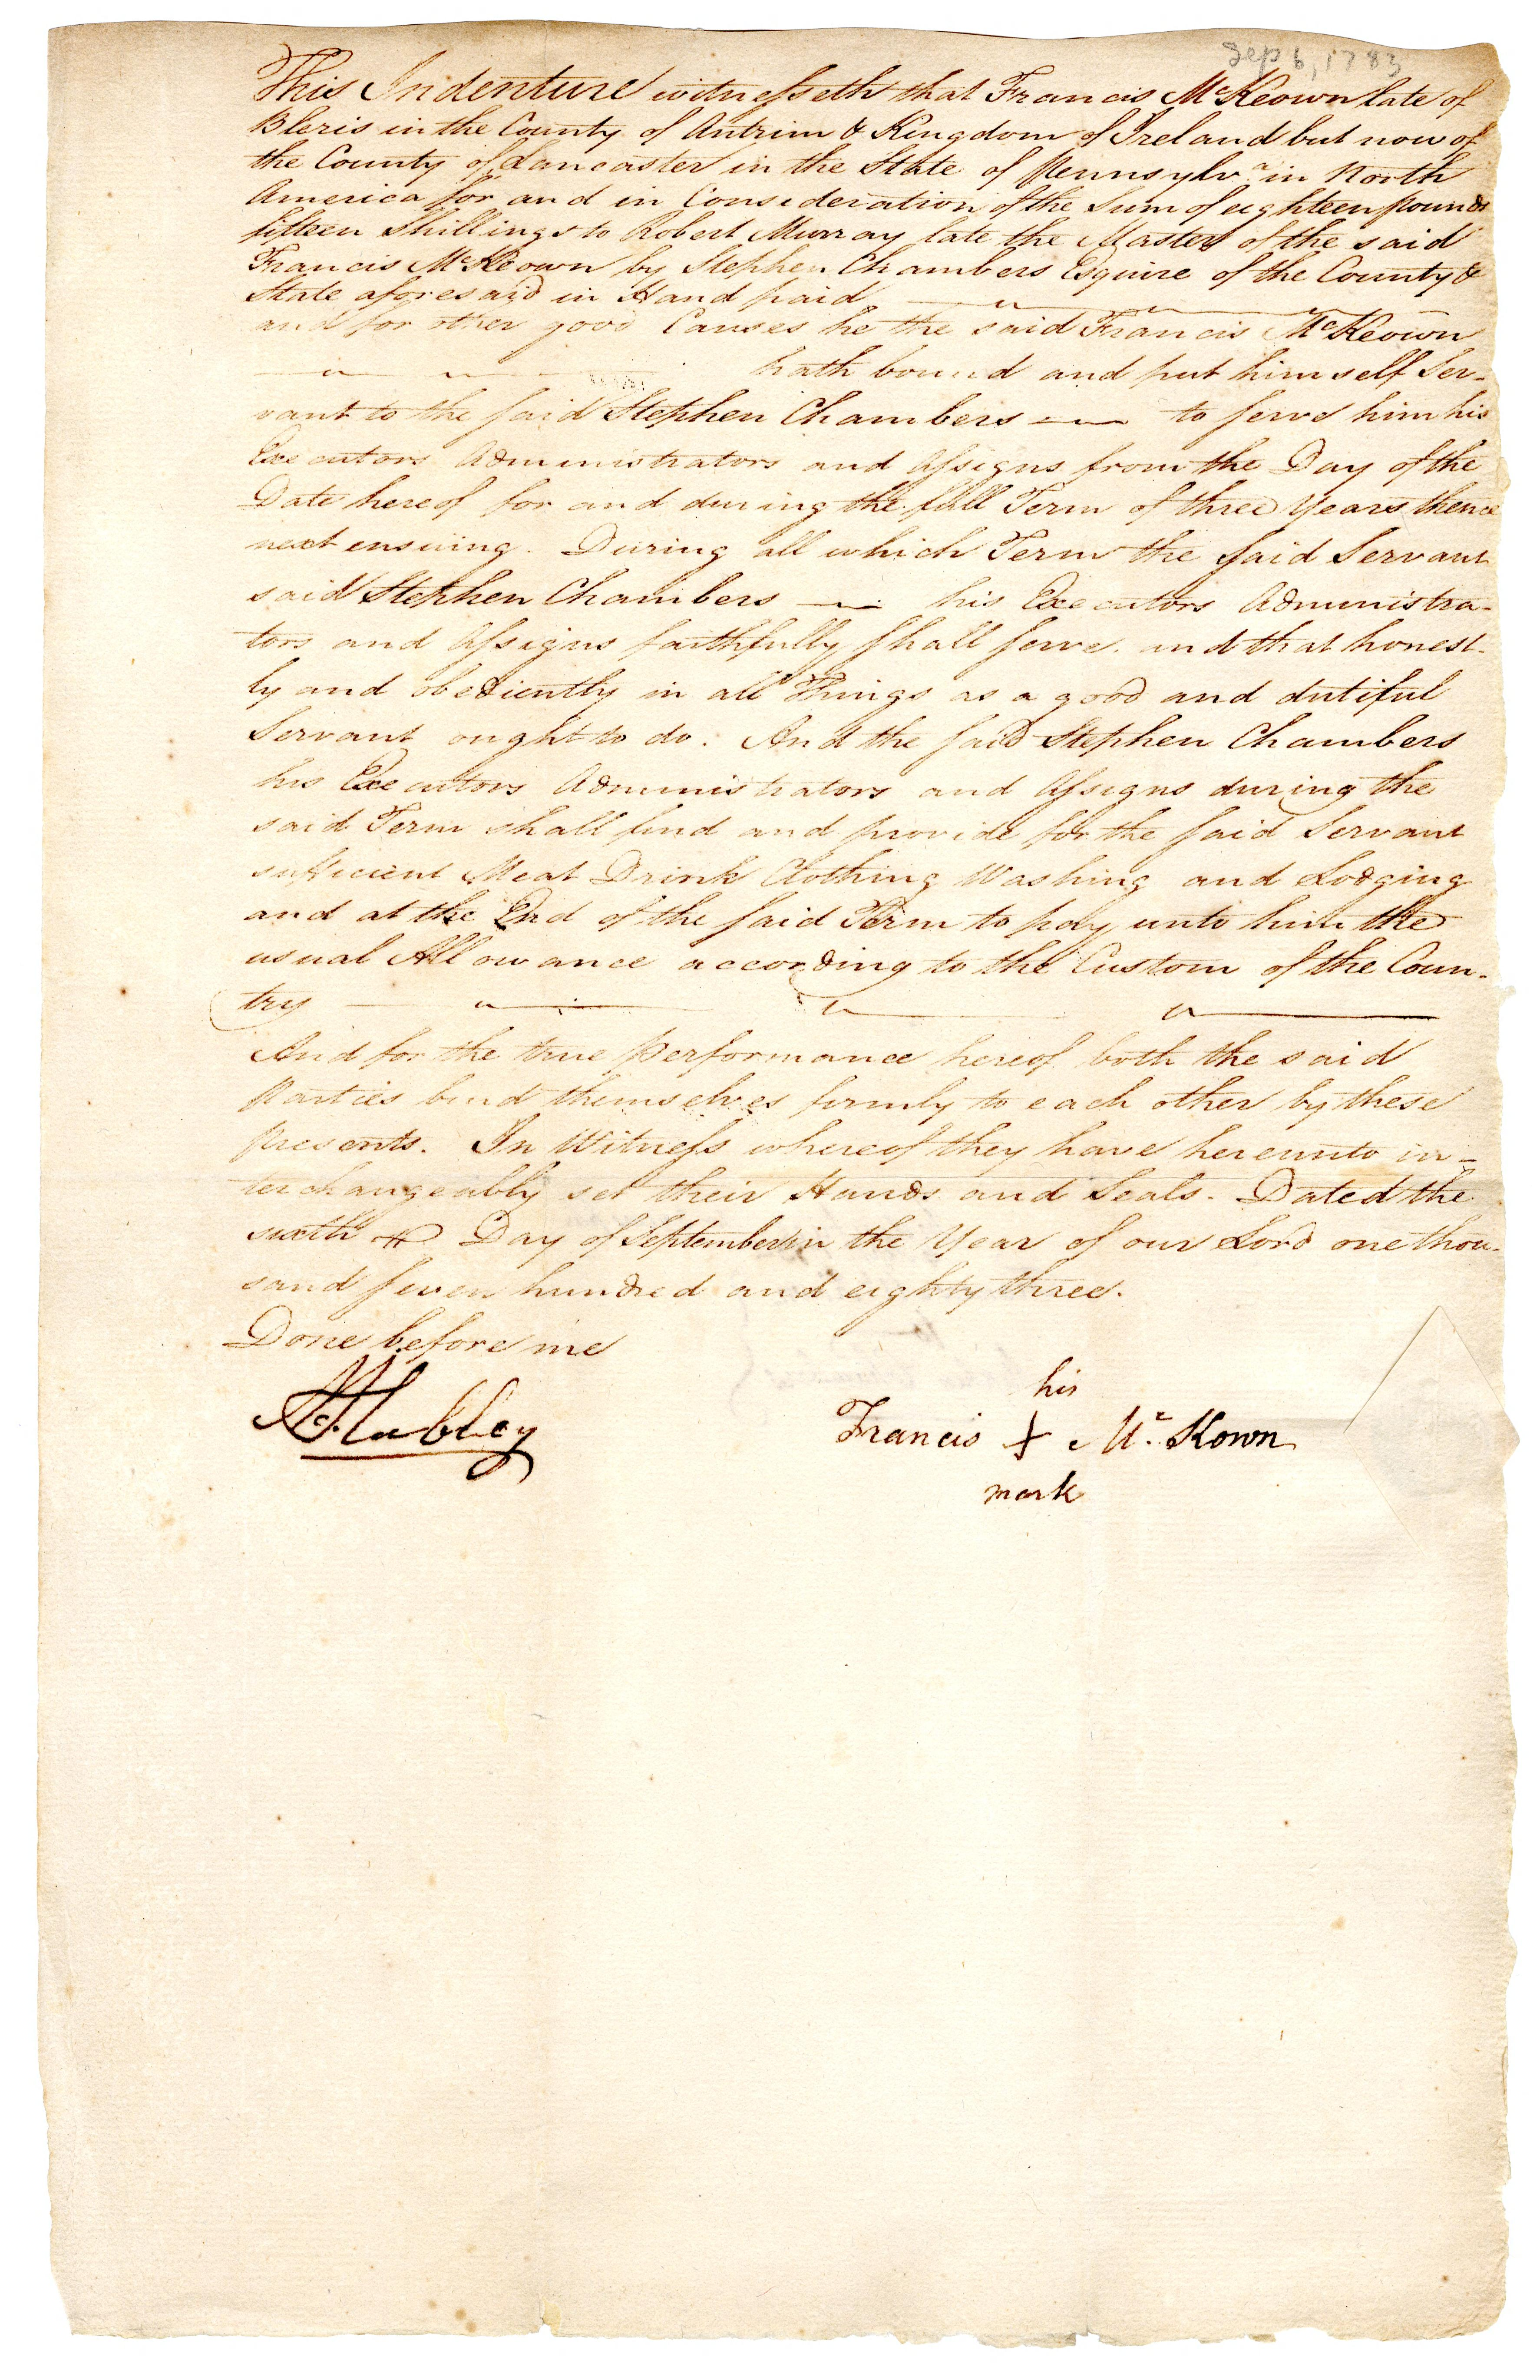This Indenture witnesseth that Francis M^cKeown late of
Bleris in the County of Antrim & Kingdom of Ireland but now of
the County of Lancaster in the State of Pennsylv^a in North
America for and in Consideration of the Sum of eighteen Pounds
fifteen Shillings to Robert Murray late the Master of the said
Francis M^cKeown by Stephen Chambers Esquire of the County &
stile aforesaid in Hand paid-
and for other good Causes he the said Francis M^cKeown
hath bound and put himself Ser-
-vant to the said Stephen Chambers- to serve him his
Executors Administrators and assigns from the Day of the
Date hereof for and during the fall Term of three years thence
next ensuing. During all which Term the said Servant
said Stephen Chambers - his Execution Administra-
-tors and assigns faithfully shall serve, and that honest-
-ly and obediently in all Things as a good and dutiful
Servant ought to do. And the said Stephen Chambers
his Executors Administrators and Assigns during the
said Term shall find and provide for the said Servant
sufficient Meat Drink Clothing Washing and Lodging
and at the End of the said Term to pay unto him the
usual Allowance according to the Custom of the Coun-
try.
And for the true performance hereof both the said
Parties bind themselves formerly to each other by these
presents. In Witness whereof they have hereunto in-
-terchangeably set their Hands and Seals. Dated the
sixth Day of September in the year of our Lord one thou-
-sand seven hundred and eighty three.
Done before me
M^cCabley
his
Francis & M^c.Kown
mark